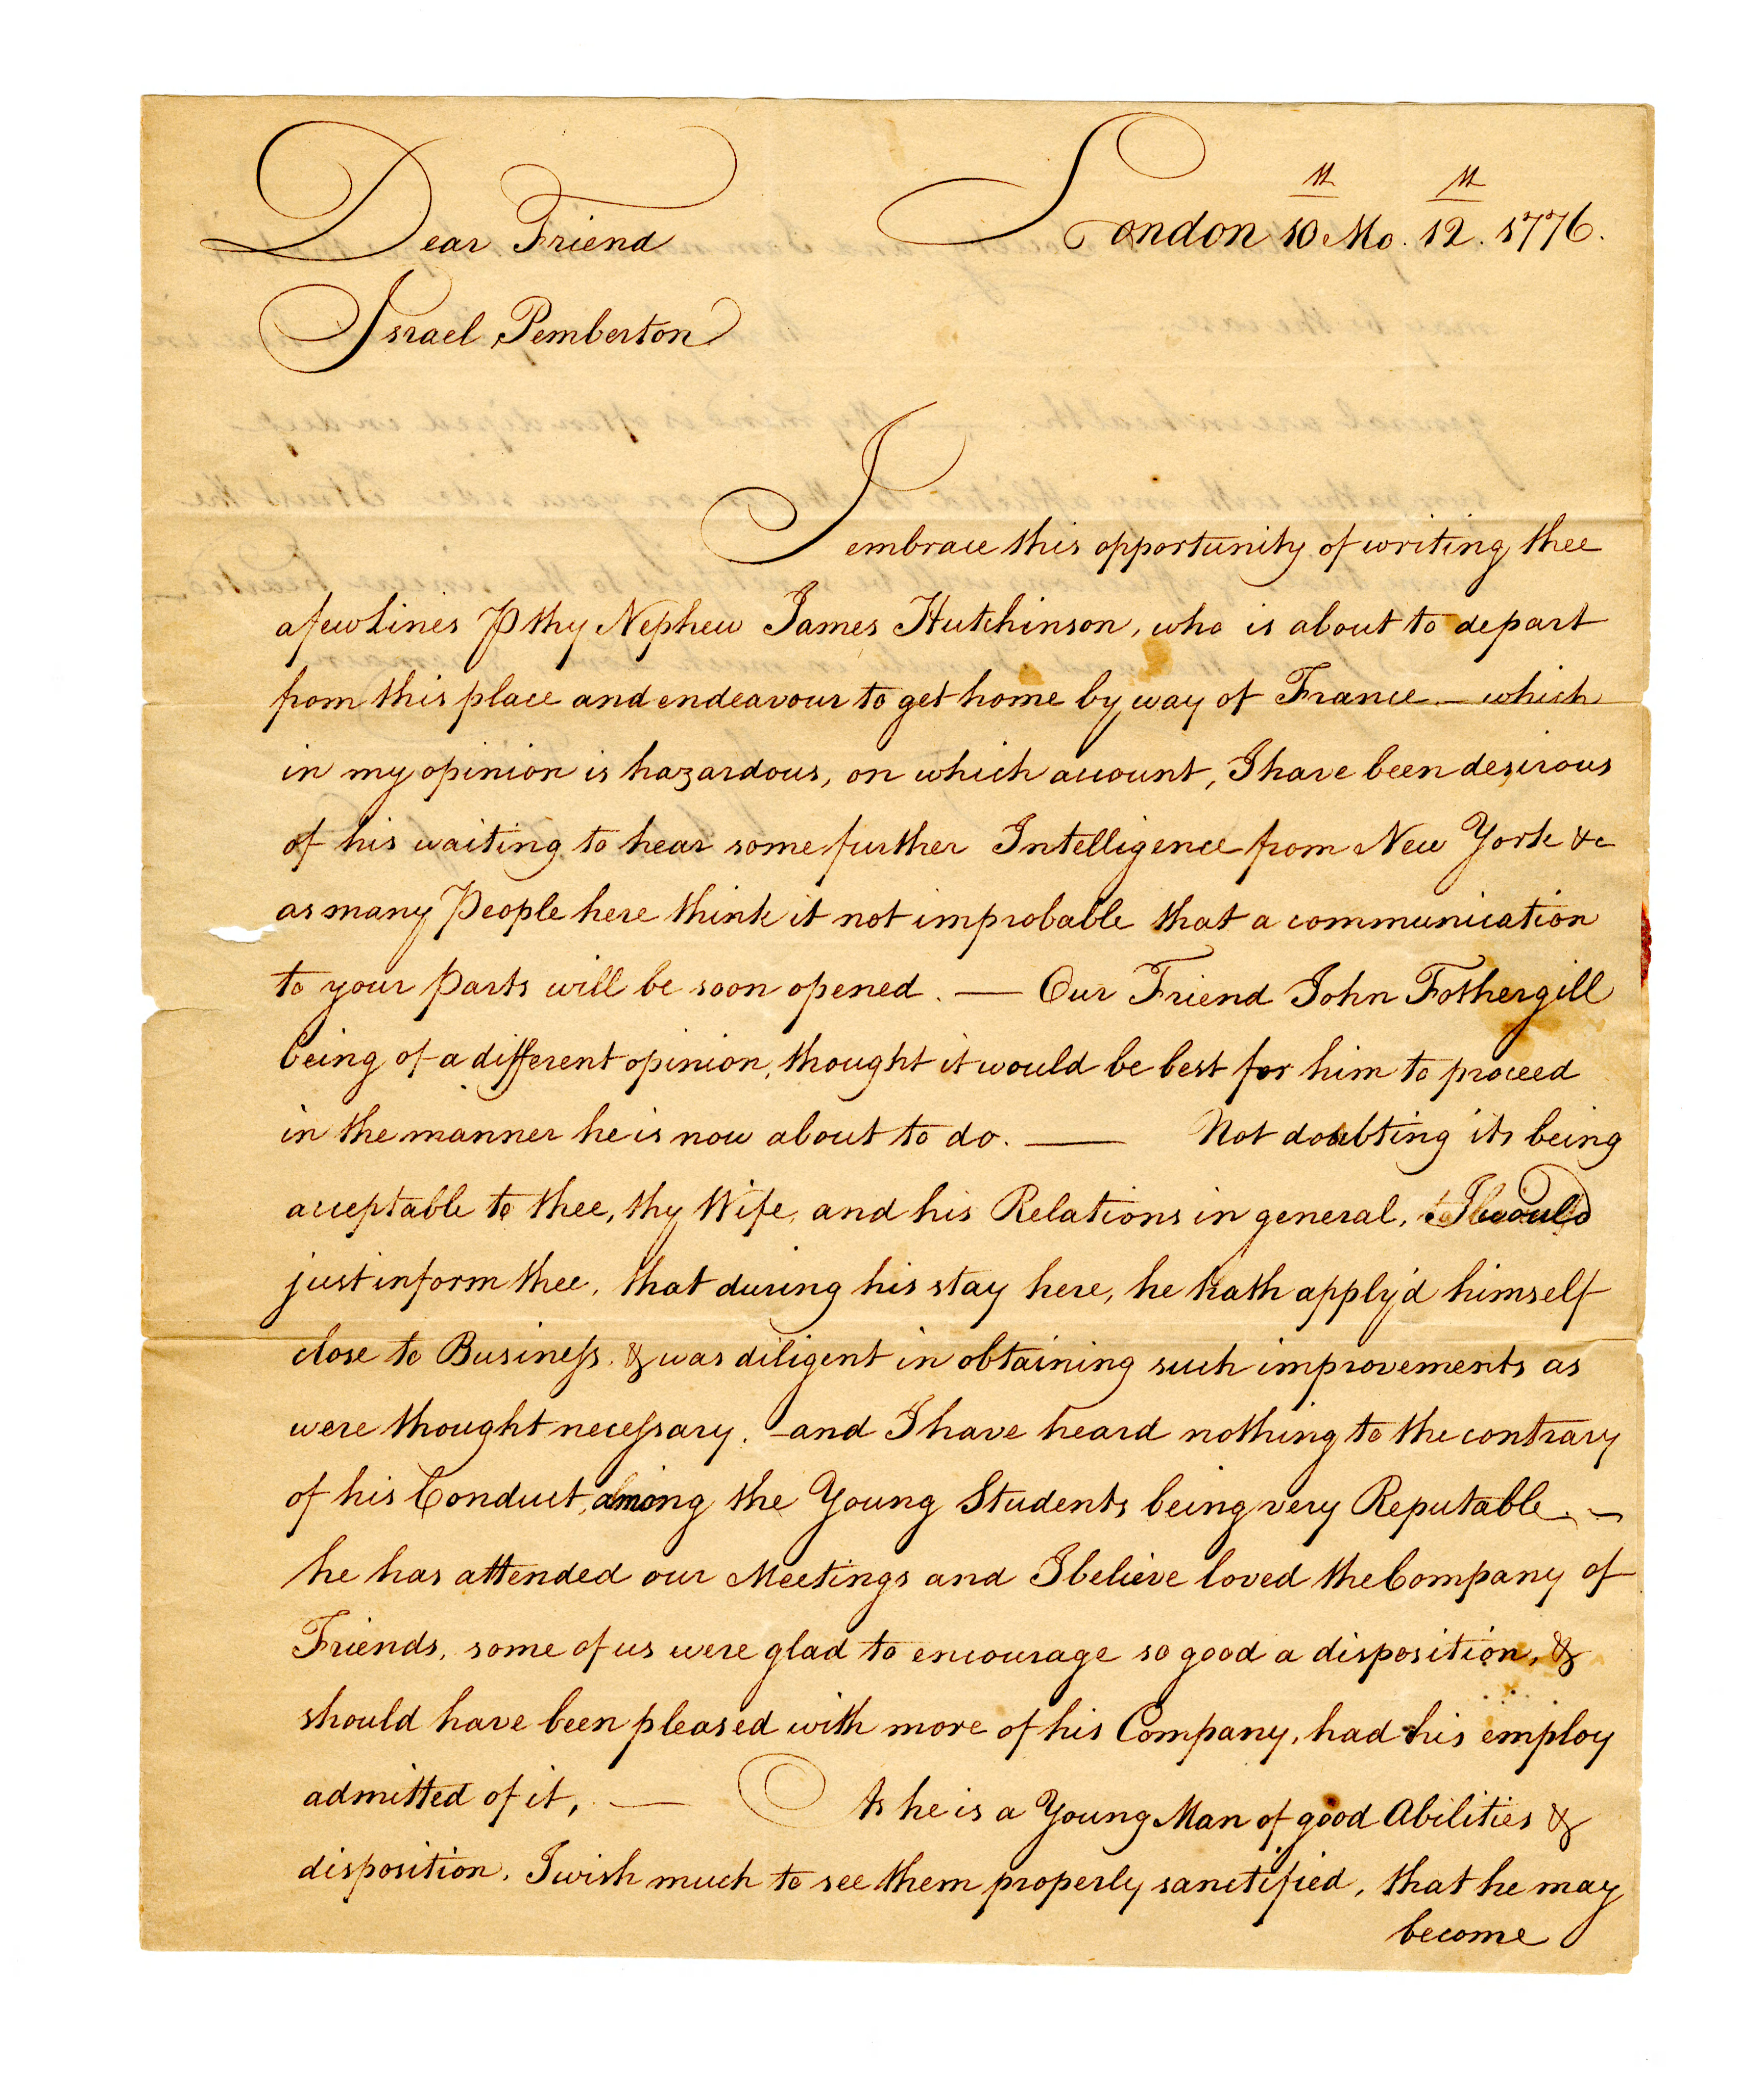London 10^th Mo. 12^th. 1776.
Dear Friend
Israel Pemberton
I embrace this opportunity of writing thee
a few Lines per thy Nephew James Hutchinson, who is about to depart
from this place and endeavour to get home by way of France- which
in my opinion is hazardous, on which account, I have been desirous
of his waiting to hear some further Intelligence from New York &c.
as many People here think it not improbable that a communication
to your Parts will be soon opened.- Our Friend John Fothergill
being of a different opinion, thought it would be best for him to proceed
in the manner he is now about to do.- Not doubting its being
acceptable to thee, thy Wife, and his Relations in general, I would
just inform thee, that during his stay here, he hath apply'd himself
close to Business, & was diligent in obtaining such improvements as
were thought necessary. and I have heard nothing to the contrary
of his Conduct among the Young Students being very Reputable-
he has attended our Meetings and I believe loved the Company of
Friends, some of us were glad to encourage so good a disposition, &
should have been pleased with more of his Company, had his employ
admitted of it.- As he is a Young Man of good abilities &
disposition. I wish much to see them properly sanctified, that he may
become